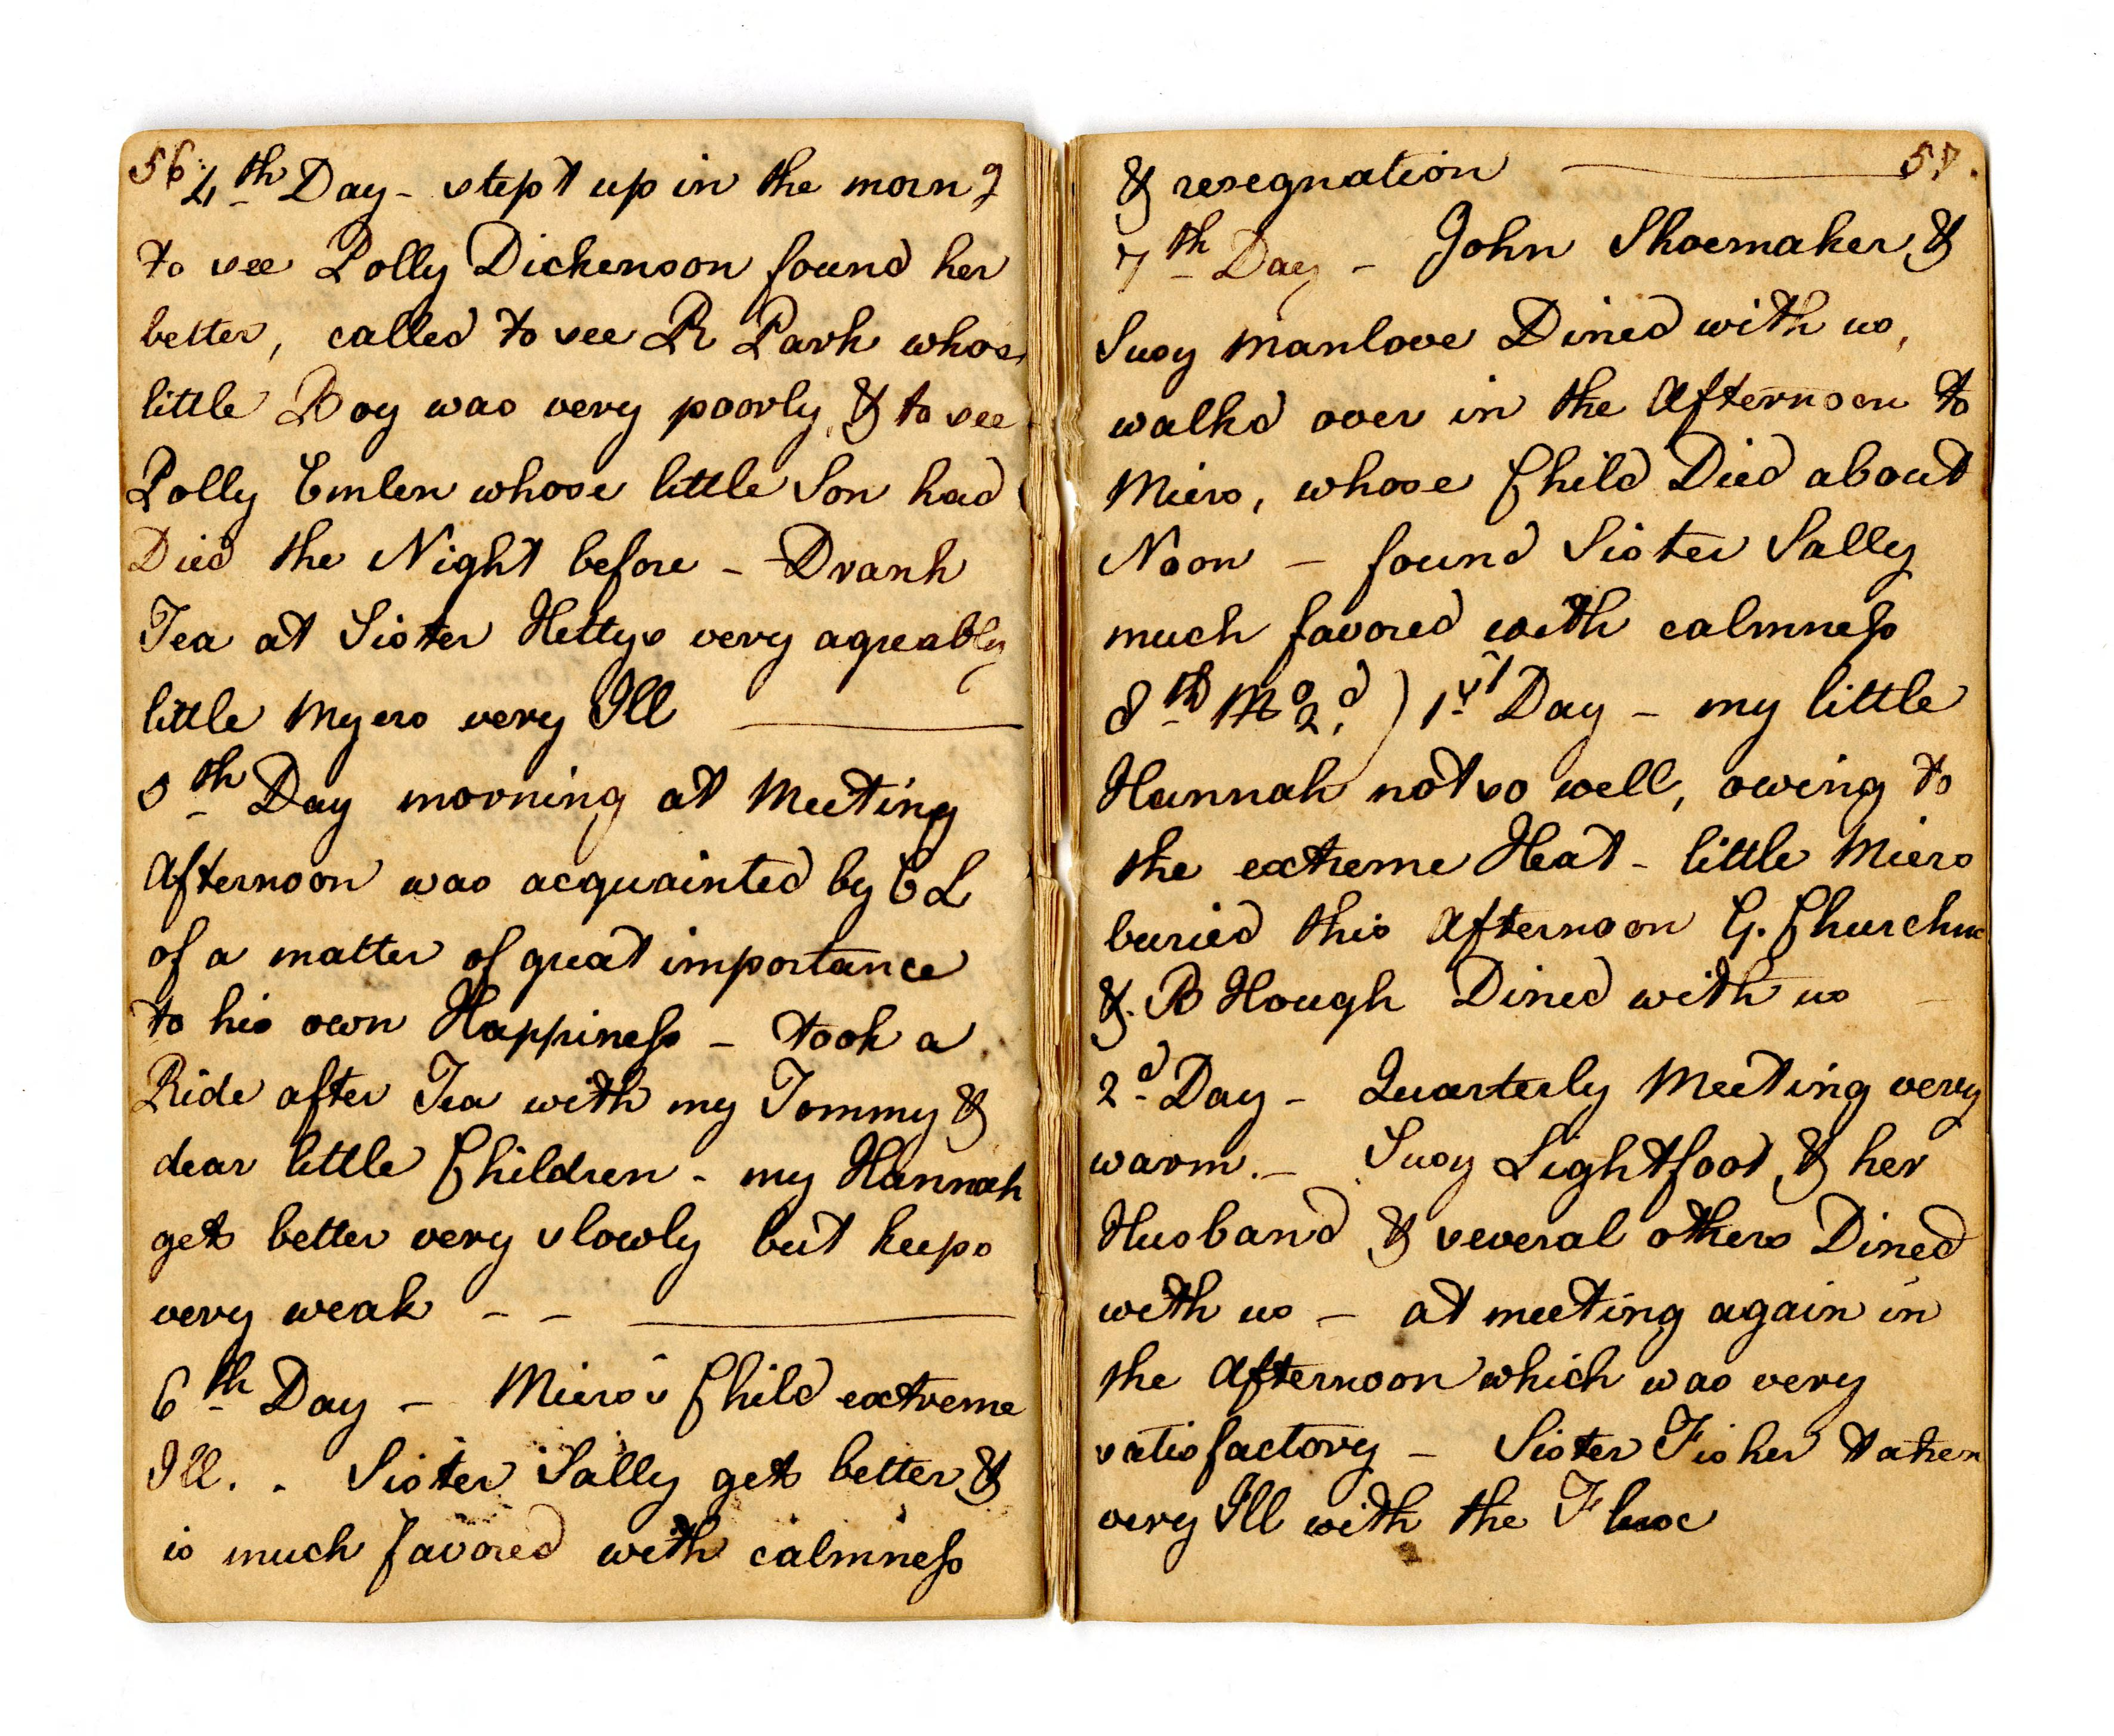56
4^th Day- stept up in the morn^g
to see Polly Dickenson found her
better, called to see R Park whos
little Boy was very poorly & to see
Polly Emlen whose little Son had
Died the Night before- Drank
Tea at Sister Hettys very agreably
little Myers very Ill-
5^th Day morning at Meeting
Afternoon was acquainted by CL
of a matter of great importance
to his own Happiness- took a
Ride after Tea with my Tommy &
dear little Children- my Hannah
gets better very slowly but keeps
very weak-
6^th Day- Miers's Child extreme
Ill- Sister Sally gets better &
to much favored with calmness
57
& resegnation
7^th Day- John Shoemaker, &
Susy Manlove Dined with us,
walkd over in the Afternoon to
Miers, whose Child Died about
Noon- found Sister Sally
much favored with calmness
8^th M^o 2^d) 1^st Day- my little
Hannah not so well, owing to
the extreme Heat- little Miers
buried this Afternoon G. Churchm
& B Hough Dined with us
2^d Day- Quarterly Meeting very
warm.- Susy Lightfoot, & her
Husband & several others Dined
with us- at meeting again in
the Afternoon which was very
satisfactory- Sister Fisher, taken
very Ill with the Flux